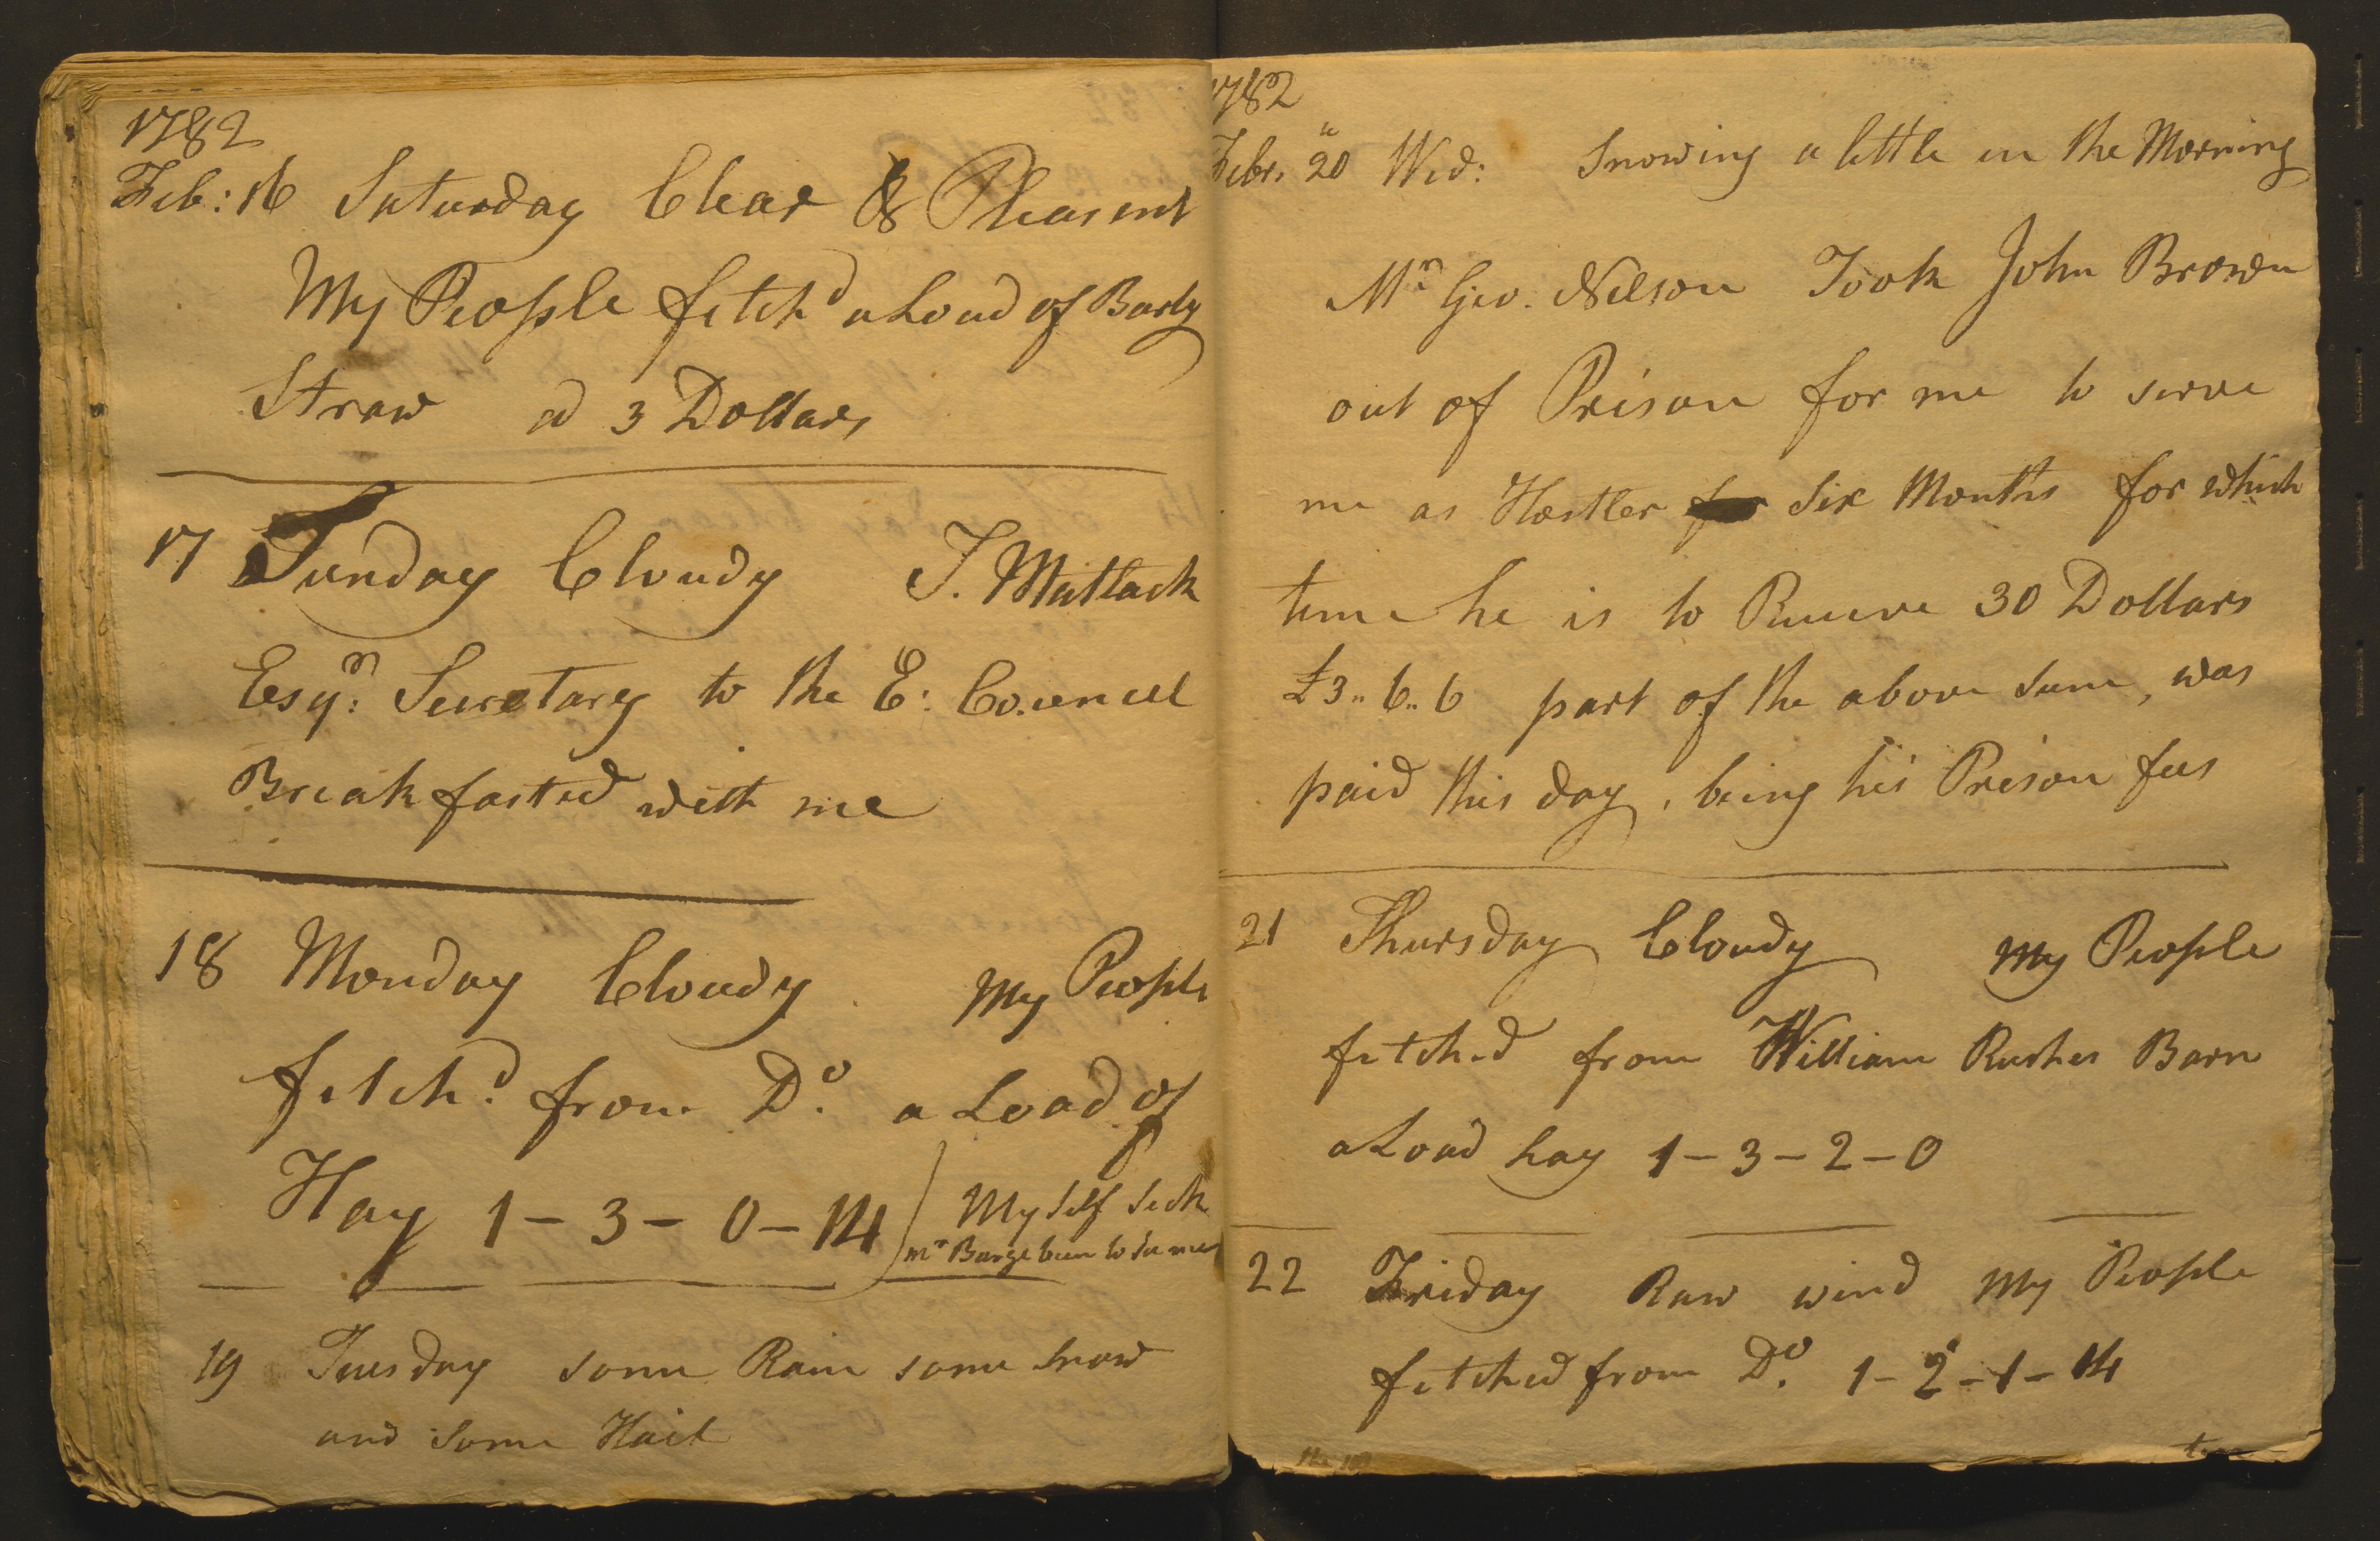1782
Feb: 16 Saturday Clear & Pleasent
My People fetch^d a Loud of Barly
Straw @ 3 Dollars
17 Sunday Cloudy T. Matlack
Esq^r. Secretary to the E: Councel
Breakfasted with me
18 Monday Cloudy. My People
fetch^d. from D^r. a Load of
Hay 1-3-0-14
My Self Sick
M^r. Barge been to see me
19 Tuesday some Rain some snow
and some Hail
1782
Febr. 20^h Wed. Snowing a little in the Morning
M^r. Geo. Nelson Took John Brown
out of Prison for me to serve
me as Hostler [for] six Months for which
time he is to Receive 30 Dollars
£3..6..6 part of the above sum, was
paid this day. being his Prison fees
21 Thursday Cloudy my People
fetched from William Rushes Barn
a Load hay 1-3-2-0
22 Friday Raw wind My People
fetched from D^o. 1-2-1-14